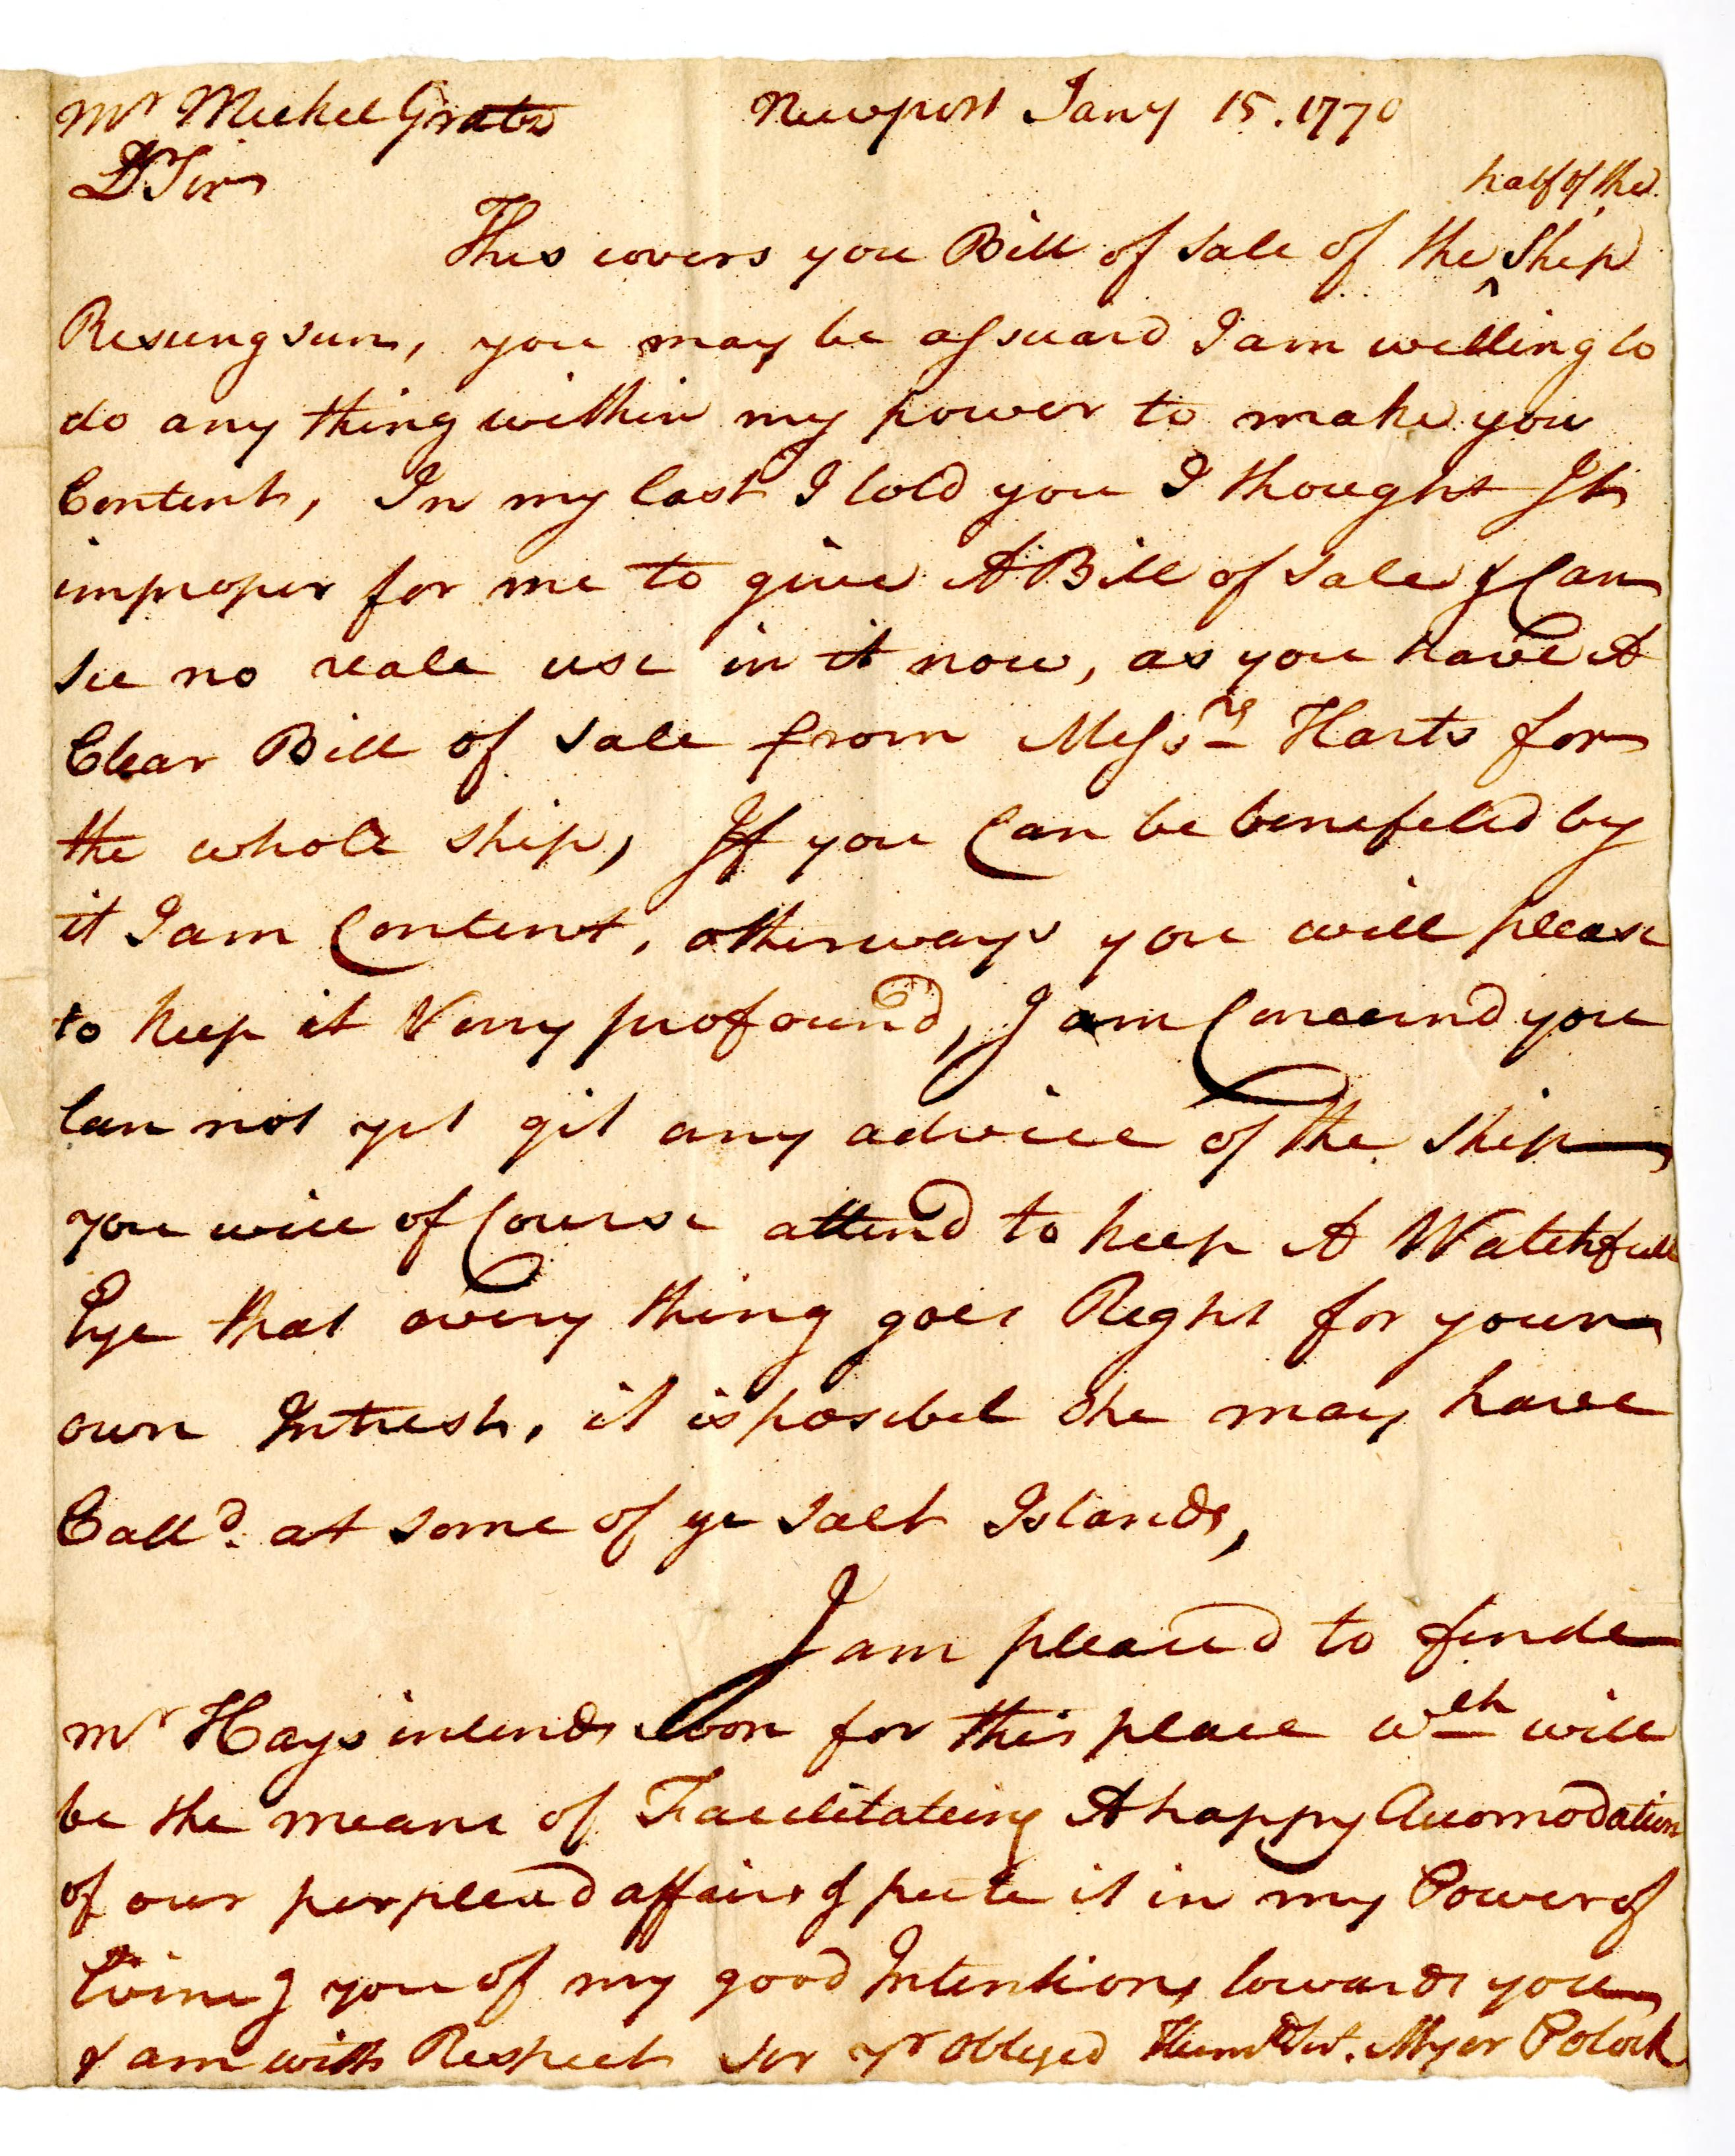M^r Michel Gratz
Newport Jan^y 15. 1770
D^r Sir
half of the.
this covers you Bill of Sale of the ^ ship
Rising Sun, you may be assuard I am willing to
do any thing within my power to make you
Content, In my last I told you I thought It
improper for me to give A Bill of sale I Can
see no real use in it now, as you have A
Clear Bill of Sale from Mess^rs Harts for
the whole ship, If you Can be benefited by
it I am Content, otherways you will please
to keep it very profound, I am Concernd you
can not yet git any advice of the ship-
you will of Course attend to keep A Watchfull
Eye that every thing goes Right for your
own Intrest, it is possible she may have
Call^d. at some of ye Jaet Islands,
I am pleased to finde
M^r Hays intends soon for this peace w^ch will
be the means of Facilitating A happy Accommodation
of our perplesd affairs I pute it in my Power of
giving you of my good Intentions towards you
& am with Respect Sir y^r. oblidged Hum^b Serv^t. Myer Polack